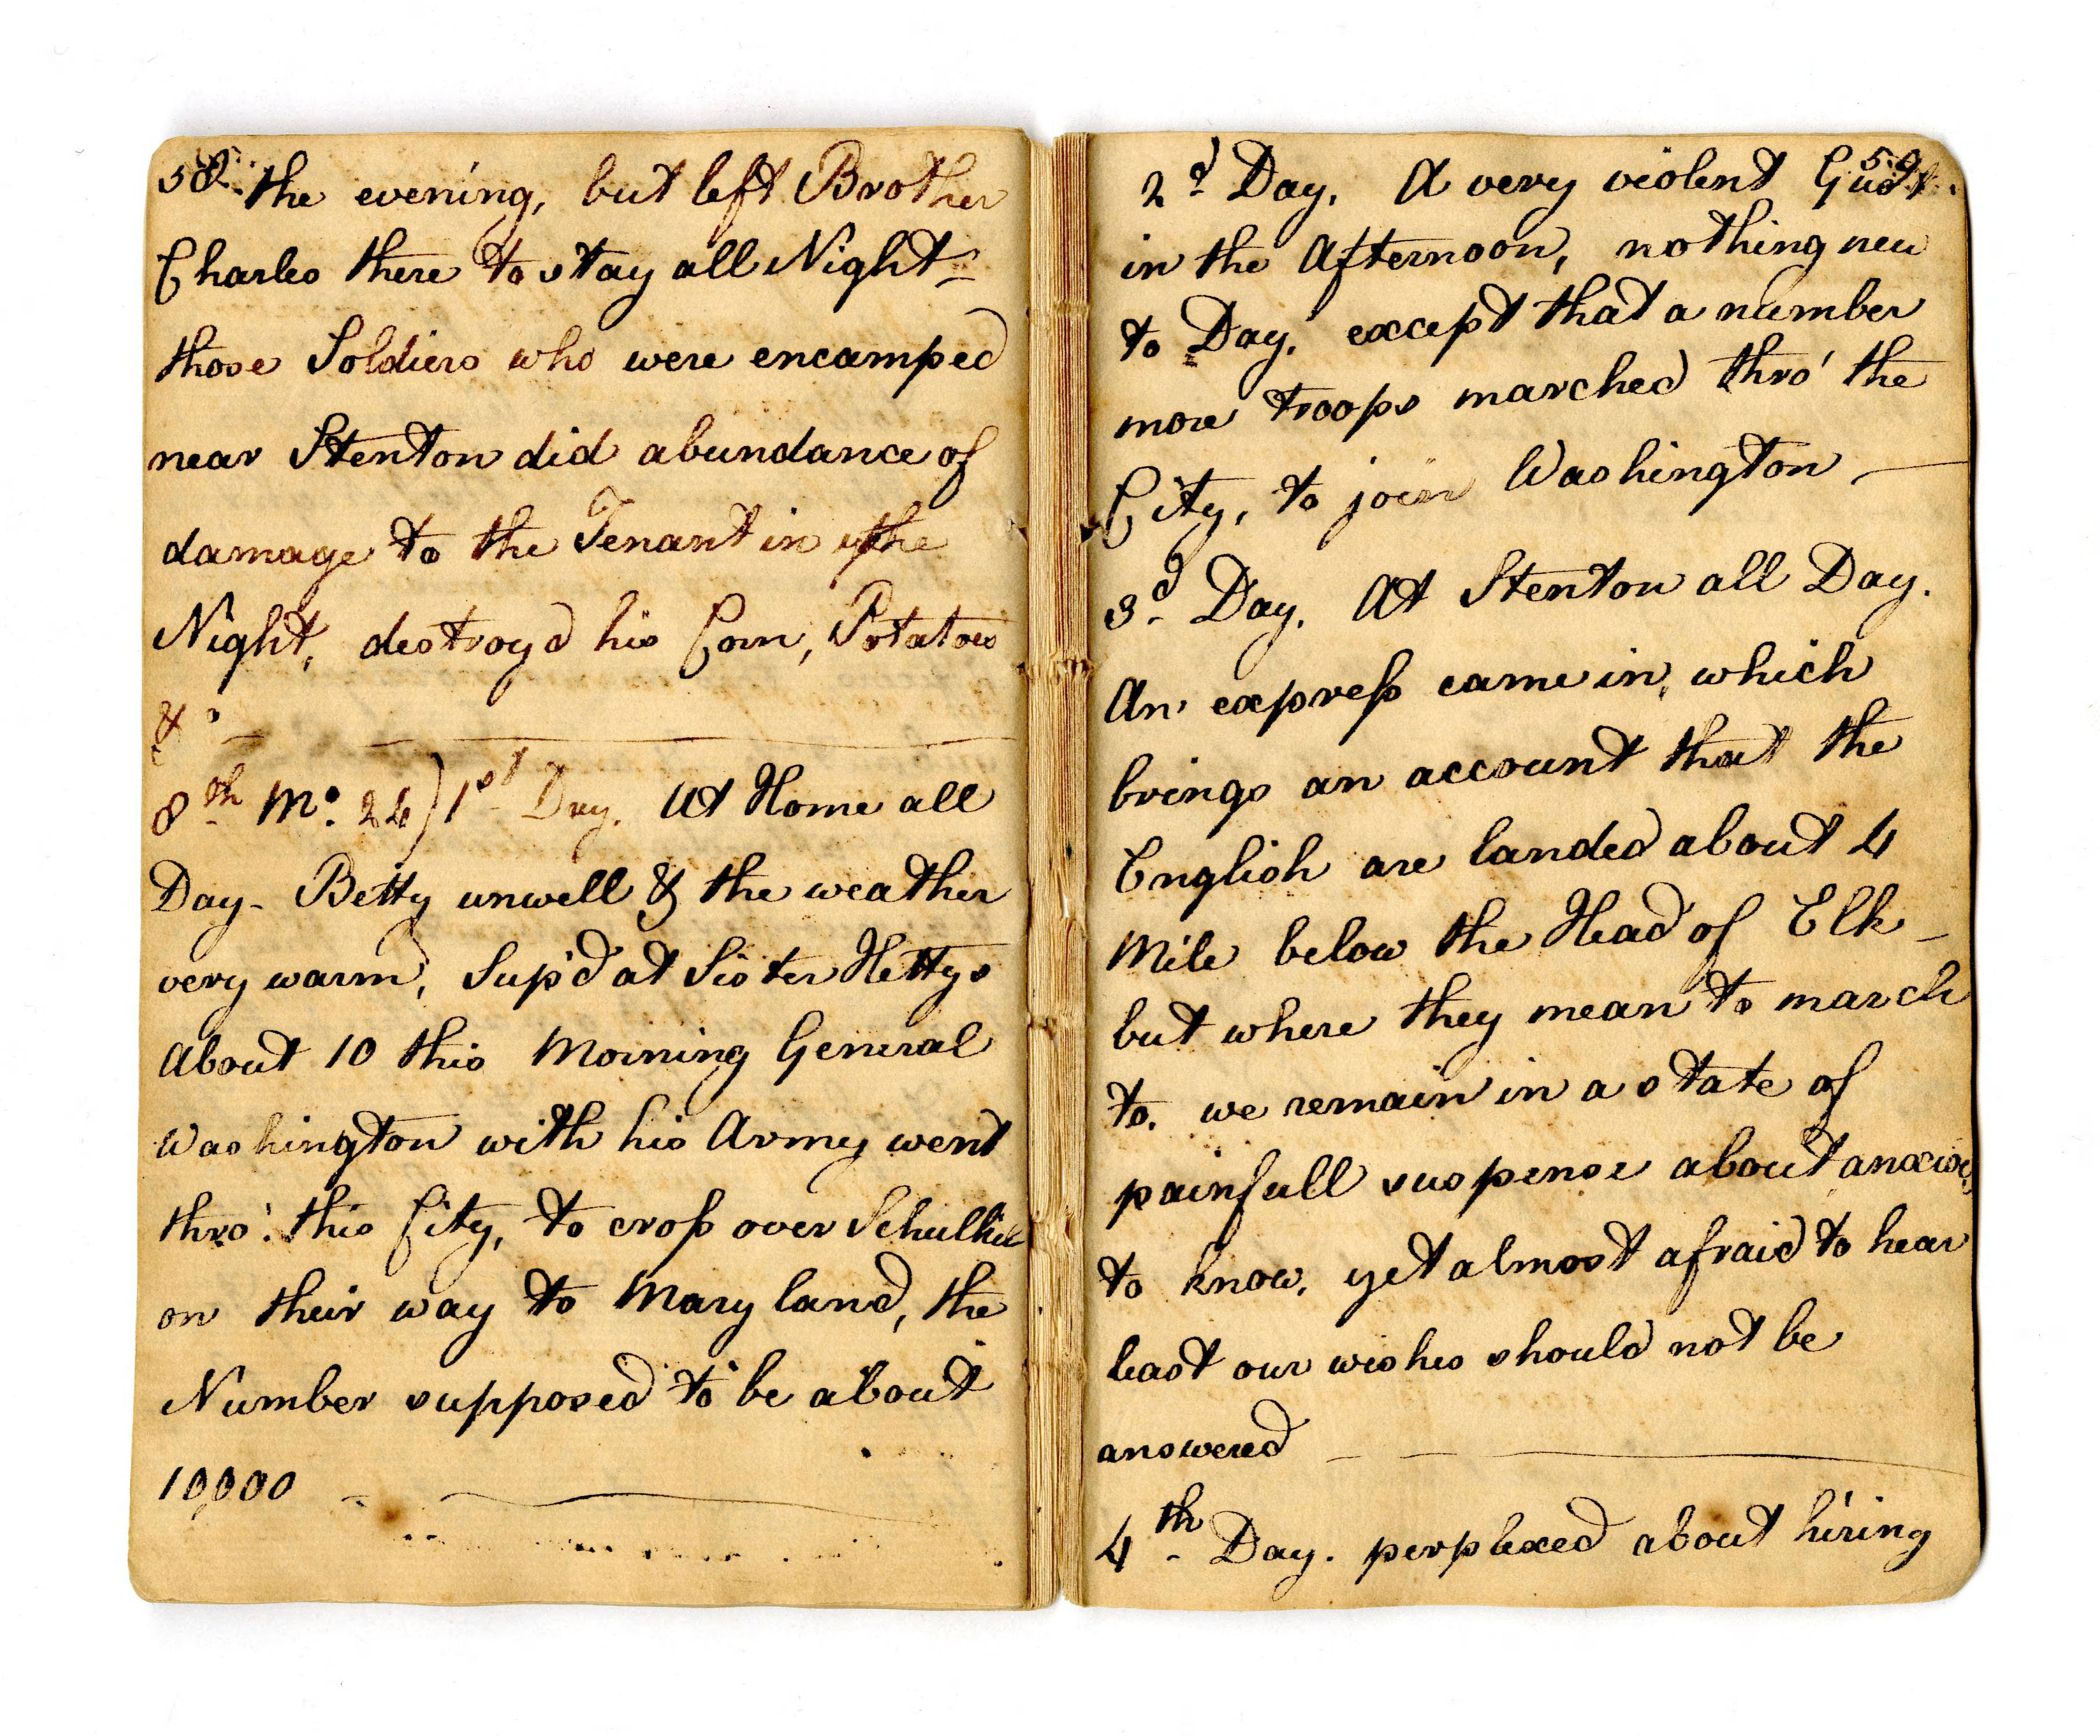the evening, but left Brother
Charles there to stay all Night
those Soldiers who were encamped
near Stenton did abundance of
damage to the Tenant in the
Night, destroyd his Corn, Potatoes
&
8^th M^o 24 ) 1^st Day. At Home all
Day. Betty unwell & the weather
very warm, Sup'd at Sister Hettys
About 10 this Morning General
Washington with his Army went
thro' this City, to cross over Schulkil
on their way to Mary land, the
Number supposed to be about
10,000-
59
2^d Day, A very violent Gust
in the Afternoon, nothing new
to Day. except that a number
more troops marched thro' the
City, to join Washington-
3^d Day. At Stenton all Day.
An express came in, which
brings an account that the
English are landed about 4
Mile below the Head of Elk-
but where they mean to march
to. we remain in a state of
painfull suspense about anxious
to know, yet almost afraid to hear
least our wishes should not be
answered-
4^th Day. perplexed about hiring